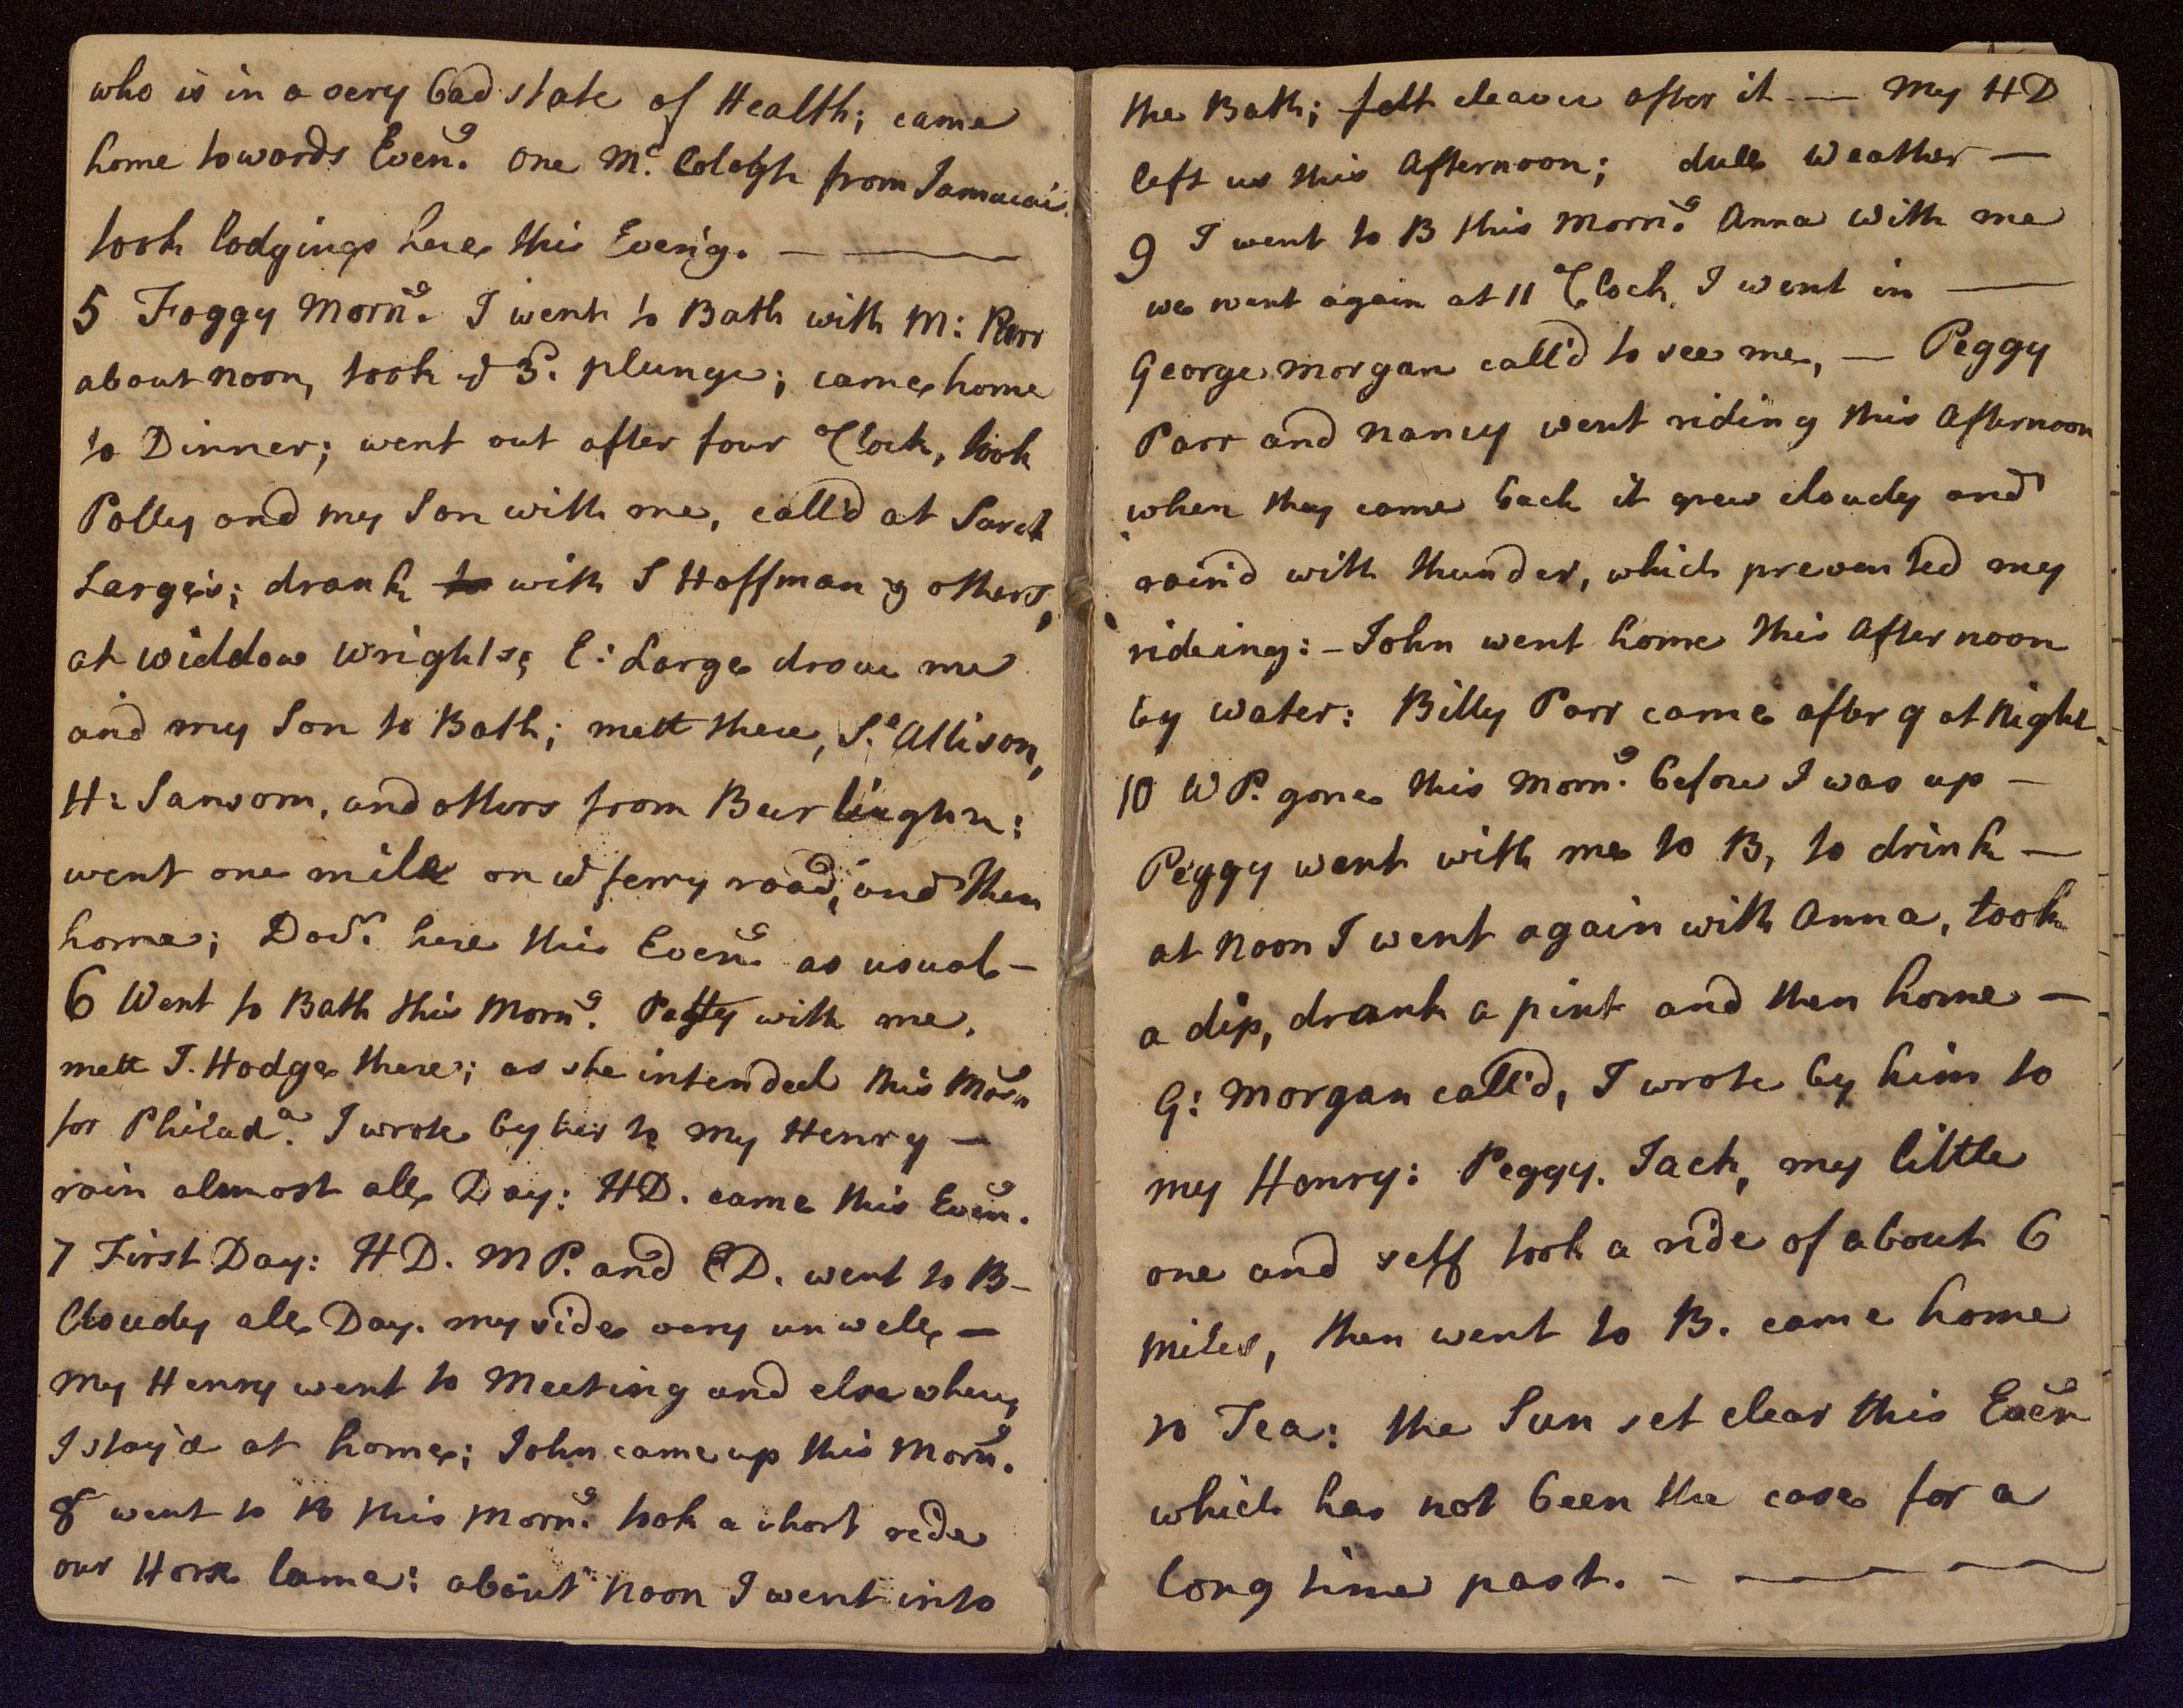who is in a very bad state of Health; came
home towards Even^g. one M^c. Colegh from Jamacai
took lodgings here this Even'g.-
5 Foggy Morn^g. I went to Bath with M: Parr
about noon, took y^e 3^d. plunge, came home
to Dinner; went out after four ^o Clock, took
Polly and my Son with me, call'd at Sarah
Large's; drank [to] with S Hoffman & others
at widdow Wrights; E: Large drove me
and my Son to Bath; mett there, S^o. Allison,
H: Sansom, and others from Burlington:
went one mile on y^e ferry road. and then
home; Doc^r. here this Even^g as usual-
6 Went to Bath this Morn^g. Patty with me.
mett T. Hodge there; as she intended this Morn^g
for Philad^a. I wrote by her to my Henry-
rain almost all Day: HD. came this Even^g.
7 First Day: H D. MP. and ED. went to B-
Cloudy all Day. my side very unwell-
my Henry went to Meeting and elsewhere
I stay'd at home; John came up this Morn^g.
8 went to B this morn^g. took a short ride
our Horse lame: about noon I went into
the Bath; felt clearer after it.- My HD
left us this Afternoon; dull weather-
9 I went to B this morn^g. Anna with me
we want again at 11 ^o Clock I went in-
George Morgan call'd to see me,- Peggy
Parr and Nancy went riding this Afternoon
when they came back it grew cloudy and
raind with thunder, which prevented my
riding:- John went home this afternoon
by water: Billy Parr came after 9 at Night.
10 W P. gone this morn^g. before I was up-
Peggy went with me B, to drink-
at noon I went again with Anna, took
a dip, drank a pint and then home-
G: Morgan call'd, I wrote by him to
my Henry: Peggy. Jack, my little
one and self took a ride of about 6
miles, then went to B. came home
to Tea: the sun set clear this Even^g
which has not been the case for a
long time past.-